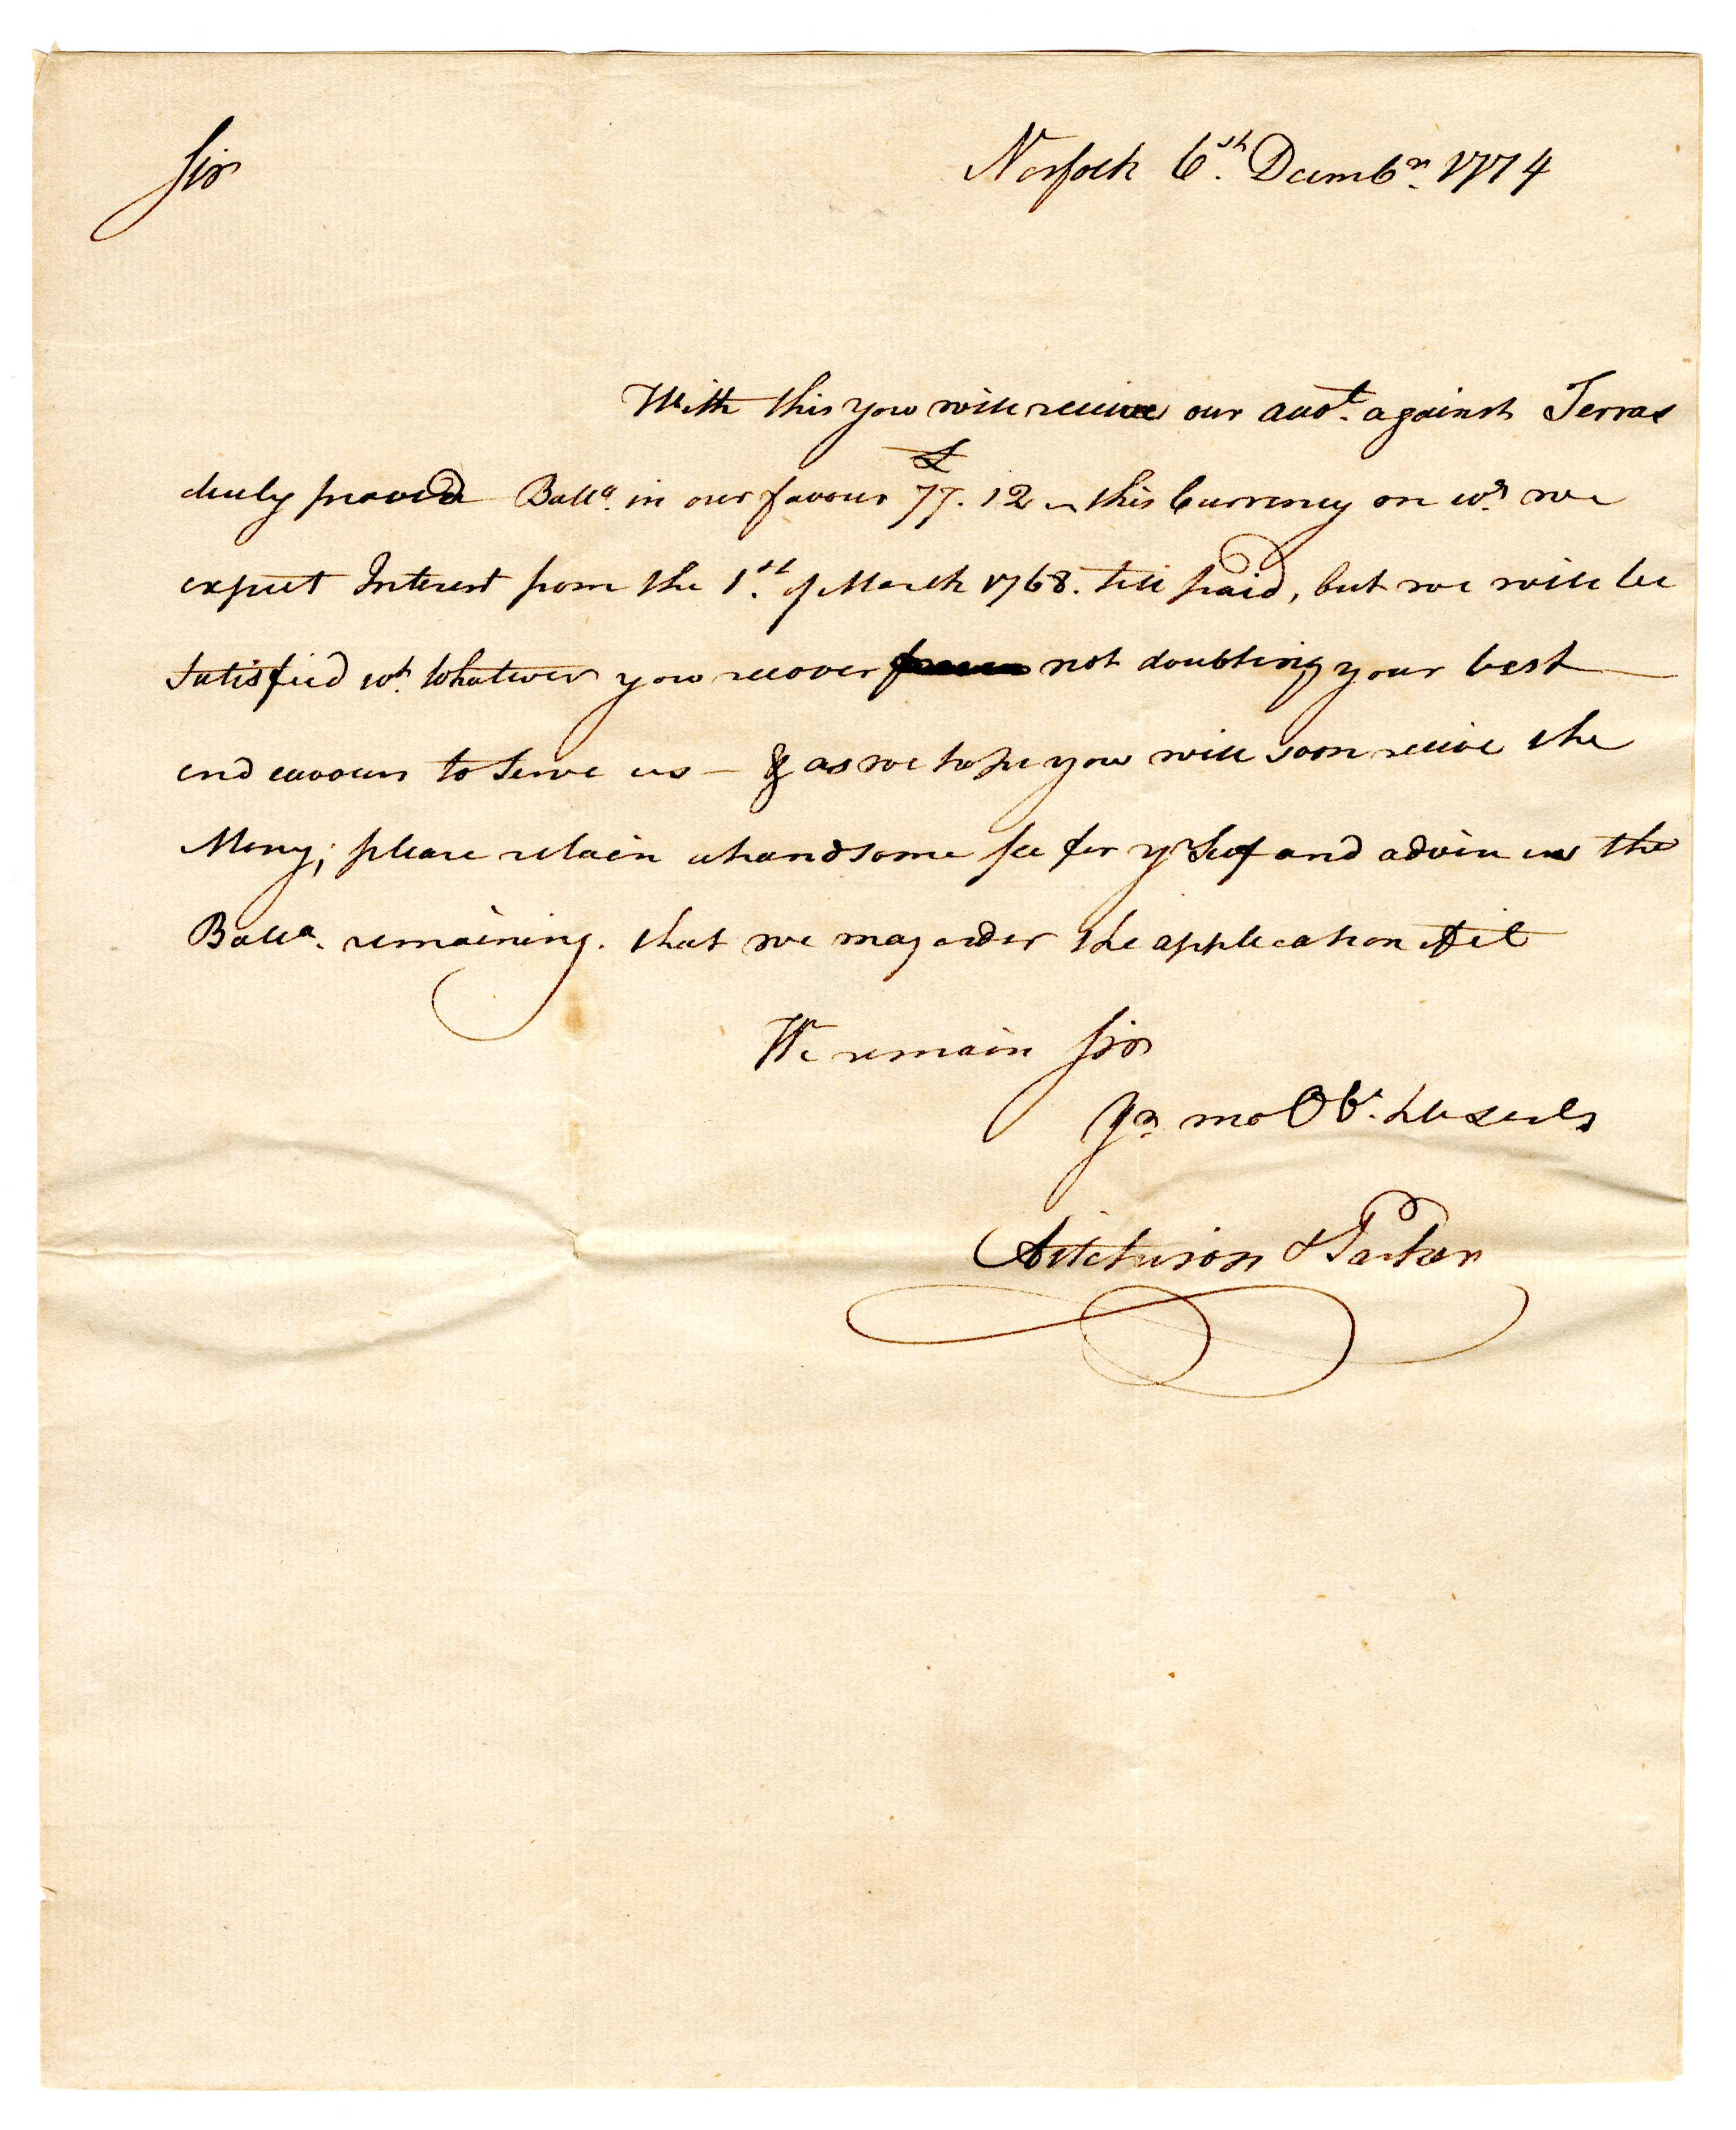Norfolk 6^th. Decemb^r. 1774
Sir
With this you will receive our acco^t. against Terms
£
duly provided Ball^ce. in our favour 77. 12. this Currency on w^ch. our
expect Interest from the 1^st. of March 1768. till paid, but we will be
Satisfied w^ch. Whatever you recover [from] not doubting your best
endeavours to Serve us- & as we hope you will soon receive the
Mony; please retain a handsome fee for y^r Srv and advice in the
Ball^ce remaining. that we may order the application of it
We remain Sir
Y^r. mo Ob^t. hble servt
Hutcheson & Sarker